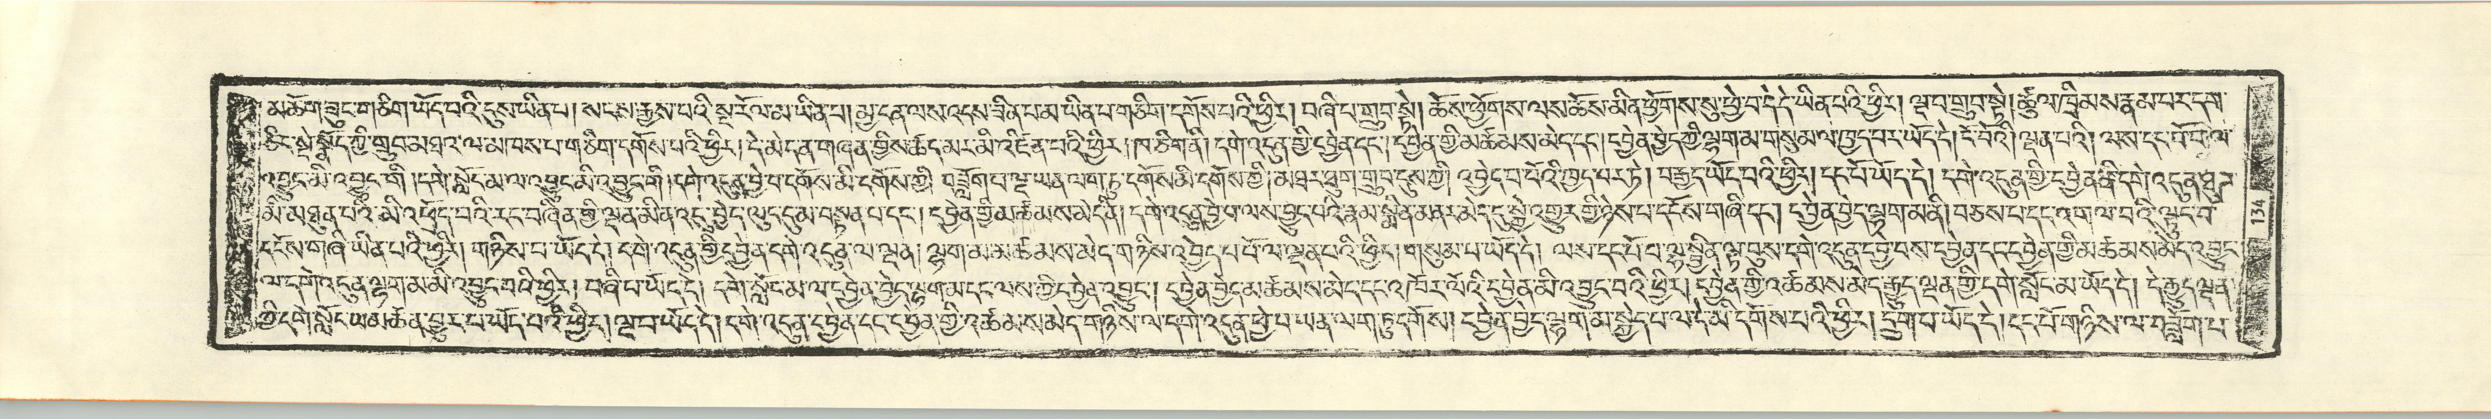མཆོག་ཟུང་གཅིག་ཡོད་པའི་དུས་ཡིན་པ། སངས་རྒྱས་པའི་སྔ་རོལ་མ་ཡིན་པ། མྱ་ངན་ལས་འདས་ཟིན་པ་མ་ཡིན་པ་གཅིག་དགོས་པའི་ཕྱིར། བཞི་པ་གྲུབ་སྟེ། ཆོས་ཕྱོགས་ལས་ཆོས་མིན་ཕྱོགས་སུ་ཕྱེ་བ་དེ་དེ་ཡིན་པའི་ཕྱིར། ལྔ་པ་གྲུབ་སྟེ། ཚུལ་ཁྲིམས་རྣམ་པར་དག་
ཅིང་སྡེ་སྣོད་ཀྱི་གྲུབ་མཐའ་ལ་མཁས་པ་གཅིག་དགོས་པའི་ཕྱིར། དེ་མེད་ན་གཞན་གྱིས་ཚད་མར་མི་འཛིན་པའི་ཕྱིར། ཁ་ཅིག་ནི། དགེ་འདུན་གྱི་དབྱེན་དང་། དབྱེན་གྱི་མཚམས་མེད་དང་། དབྱེན་བྱེད་ཀྱི་ལྷག་མ་གསུམ་ལ་ཁྱད་པར་ཡོད་དེ། ངོ་བོའི། ལྡན་པའི། ལས་དང་པོ་བ་ལ་
འབྱུང་མི་འབྱུང་གི །དགེ་སློང་མ་ལ་འབྱུང་མི་འབྱུང་གི །དགེ་འདུན་བྱེ་བ་དགོས་མི་དགོས་ཀྱི། བཟློག་པ་ལྔ་ཡན་ལག་ཏུ་དགོས་མི་དགོས་ཀྱི། མཐར་ཐུག་གྲུབ་དུས་ཀྱི། འབྱེད་པ་པོའི་ཁྱད་པར་ཏེ། བརྒྱད་ཡོད་པའི་ཕྱིར། དང་པོ་ཡོད་དེ། དགེ་འདུན་གྱི་དབྱེན་ནི་དགེ་འདུན་ཐུགས་
མི་མཐུན་པའི་མི་འཕྲོད་པའི་རང་བཞིན་གྱི་ལྡན་མིན་འདུ་བྱེད་ལུང་དུ་མ་བསྟན་པ་དང་། དབྱེན་གྱི་མཚམས་མེད་ནི། དགེ་འདུན་བྱེ་བ་ལས་བྱུང་བའི་རྣམ་སྨིན་མནར་མེད་དུ་སྐྱེ་འགྱུར་གྱི་ཉེས་པ་དངོས་གཞི་དང་། དབྱེན་བྱེད་ལྷག་མ་ནི། བཅས་པ་དང་འགལ་བའི་ལྟུང་བ་
དངོས་གཞི་ཡིན་པའི་ཕྱིར། གཉིས་པ་ཡོད་དེ། དགེ་འདུན་གྱི་དབྱེ་ན་དགེ་འདུན་ལ་ལྡན། ལྷག་མ་མཚམས་མེད་གཉིས་འབྱེད་པ་པོ་ལ་ལྡན་པའི་ཕྱིར། གསུམ་པ་ཡོད་དེ། ལས་དང་པོ་པ་ལྷ་སྦྱིན་ལྟ་བུས་དགེ་འདུན་དབྱེ་བས་དབྱེན་དང་དབྱེན་གྱི་མཚམས་མེད་འབྱུང་
ལ་དགེ་འདུན་ལྷག་མ་མི་འབྱུང་བའི་ཕྱིར། བཞི་པ་ཡོད་དེ། དགེ་སློང་མ་ལ་དབྱེན་བྱེད་ལྷག་མ་དང་ལས་ཀྱི་དབྱེན་འབྱུང་། དབྱེན་བྱེད་མཚམས་མེད་དང་འཁོར་ལོའི་དབྱེན་མི་འབྱུང་བའི་ཕྱིར། དབྱེན་གྱི་འཚམས་མེད་རྒྱུད་ལྡན་གྱི་དགེ་སློང་མ་ཡོད་དེ། དེ་རྒྱུད་ལྡན་
ཀྱི་དགེ་སློང་ཡ་མཚན་བྱུར་པ་ཡོད་པའི་ཕྱིར། ལྔ་པ་ཡོད་དེ། དགེ་འདུན་དབྱེན་དང་དབྱེན་གྱི་འཚམས་མེད་གཉིས་ལ་དགེ་འདུན་ཕྱེ་བ་ཡན་ལག་ཏུ་དགོས། དབྱེན་བྱེད་ལྷག་མ་སྐྱེད་པ་ལ་དེ་མི་དགོས་པའི་ཕྱིར། དྲུག་པ་ཡོད་དེ། དང་པོ་གཉིས་ལ་བཟློག་པ་